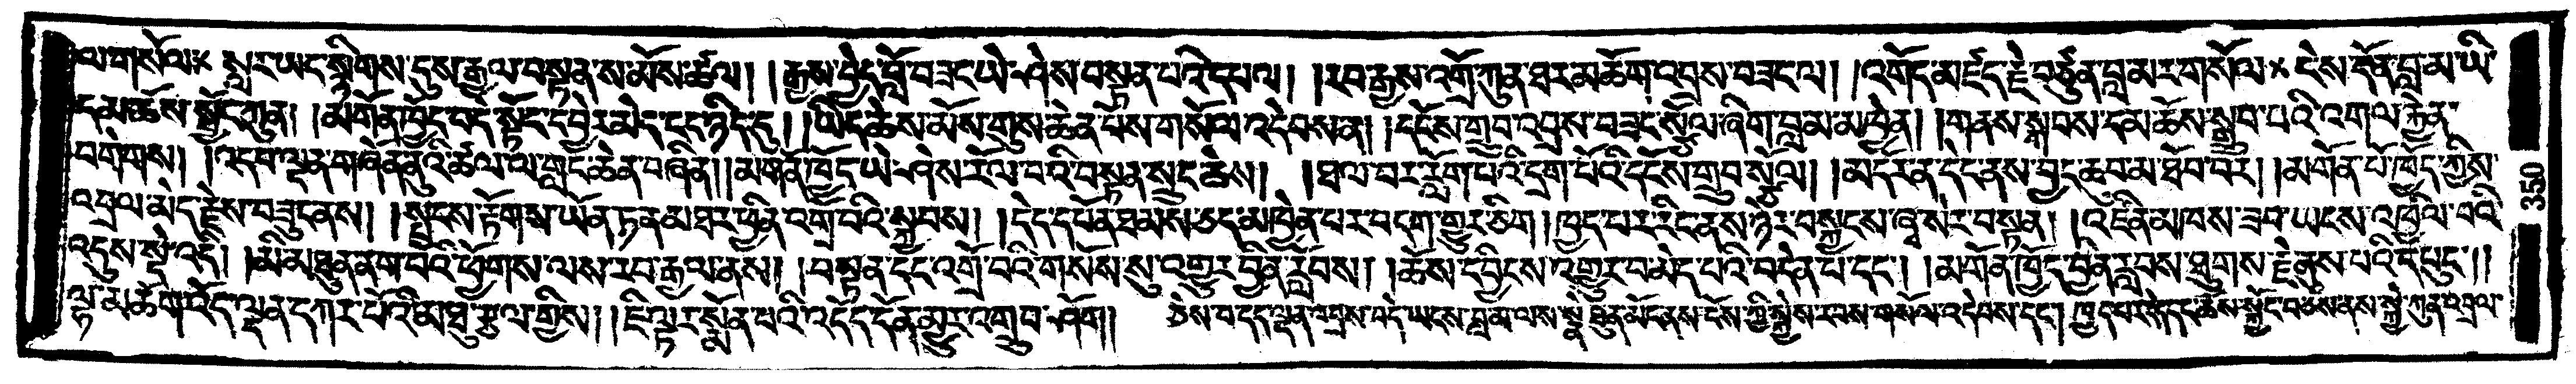ལ་གསོལ་{྾}་སླར་ཡང་སྙིགས་དུས་རྒྱལ་བསྟན་ས་མོས་ཚལ། །རྒྱས་བྱེད་བློ་བཟང་ཡེ་ཤེས་བསྟན་པའི་དཔལ། །རབ་རྒྱས་འགྲོ་ཀུན་ཐར་མཆོག་འབྲས་བཟང་ལ། །འགོད་མཛད་རྗེ་བཙུན་བླ་མར་གསོལ་{྾}་ངེས་དོན་བླ་མ་ཡི་
དམ་ཆོས་སྦྱོང་ཀུན། །མགོན་ཁྱོད་བདེ་སྟོང་དབྱེར་མེད་ངང་ཉིད་དུ། །ཡིད་ཆེས་མོས་གུས་ཆེན་པོས་གསོལ་འདེབས་ན། །དངོས་གྲུབ་འབྲས་བཟང་སྩོལ་ཞིག་བླ་མ་མཁྱེན། །གནས་སྐབས་དམ་ཆོས་སྒྲུབ་པའི་འགལ་རྐྱེན་
བགེགས། །འདབ་ལྡན་གཞོན་ནུའི་ཚལ་ལ་གླང་ཆེན་བཞིན། །མགོན་ཁྱོད་ཡེ་ཤེས་རོལ་བའི་བསྟན་སྲུང་ཆེས། །ཐལ་བར་རློག་པའི་དྲག་པོའི་དངོས་གྲུབ་སྩོལ། །མདོར་ན་དེང་ནས་བྱང་ཆུབ་མ་ཐོབ་བར། །མགོན་པོ་ཁྱོད་ཀྱིས་
འབྲལ་མེད་རྗེས་བཟུང་ནས། །སྤངས་རྟོགས་ཡོན་ཏན་མཐར་ཕྱིན་འགྲོ་བའི་སྐྱབས། །དེད་དཔོན་ཐམས་ཅད་མཁྱེན་པར་བདག་གྱུར་ཅིག །ཁྱད་པར་རིང་ནས་ཉེར་བསྐྱངས་ཞྭ་སེར་བསྟན། །འཛིན་མཁས་ཟབ་ཡངས་འཁྱིལ་བའི་
འདུས་སྡེ་འདི། །མི་མཐུན་ནག་པོའི་ཕྱོགས་ལས་རབ་རྒྱལ་ནས། ། བསྟན་དང་འགྲོ་བའི་གསོས་སུ་འགྱུར་བྱིན་རློབས། །ཆོས་དབྱིངས་འགྱུར་བ་མེད་པའི་བདེན་པ་དང་། །མགོན་ཁྱོད་བྱིན་རླབས་ཐུགས་རྗེ་ནུས་པའི་དཔུང།།
ལྷ་མཆོག་འོད་ལྡན་དཀར་པོའི་མཐུ་རྩལ་གྱིས། །ཇི་ལྟར་སྨོན་པའི་འདོད་དོན་མྱུར་འགྲུབ་ཤོག །ཅེས་པ་དད་ལྡན་འབྲས་བདེ་ཡངས་བླ་མ་ལས་སྣེ་ཐུན་མོང་ནས་ངོས་ཀྱི་སྐྱེས་རབས་གསོལ་འདེབས་དང་། ཁྱད་པར་དེད་དང་ཆོས་སྐྱོང་བཅས་ནས་སྐྱེ་གྐུན་འབྲལ་